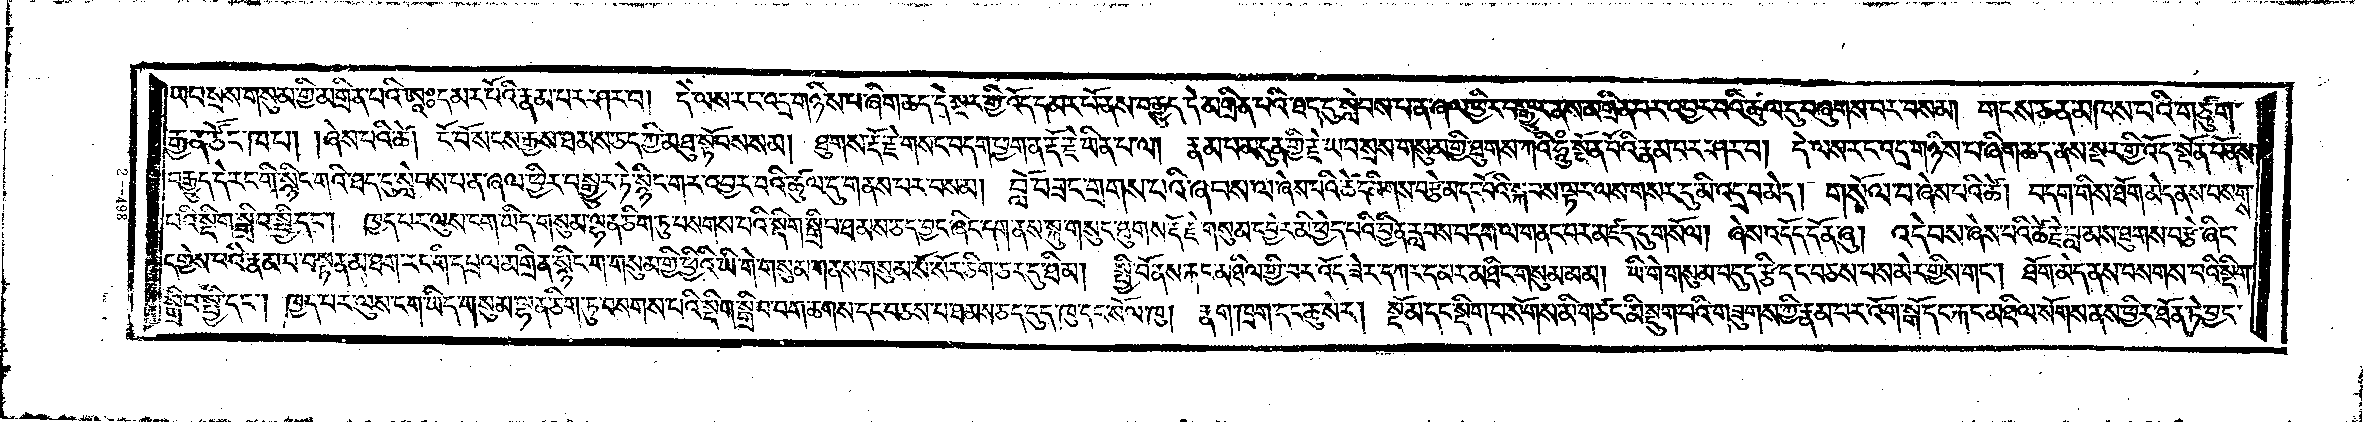ཡབ་སྲས་གསུམ་གྱི་མགྲིན་པའི་ཨཱཿདམར་པོའི་རྣམ་པར་ཤར་བ། དེ་ལས་རང་འདྲ་གཉིས་པ་ཞིག་ཆད་དེ་སྔར་གྱི་འོད་དམར་པོ་ནས་བརྒྱུད་དེ་མགྲིན་པའི་ཐད་དུ་སླེབས་པ་ན་ཞལ་ཕྱིར་བསྒྱུར་ནས་མགྲིན་པར་འབྱར་བའི་ཚུལ་དུ་བཞུགས་བར་བསམ། གངས་ཅན་མཁས་པའི་གཙུག་
རྒྱན་ཙོང་ཁ་པ། །ཞེས་པའི་ཚེ། ངོ་བོ་སངས་རྒྱས་ཐམས་ཅད་ཀྱི་མཐུ་སྟོབས་སམ། ཐུགས་རྡོ་རྗེ་གསང་བདག་ཕྱག་ན་རྡོ་རྗེ་ཡིན་པ་ལ། རྣམ་པ་མདུན་གྱི་རྗེ་ཡབ་སྲས་གསུམ་གྱི་ཐུགས་ཀའི་ཧཱུཾ་སྔོན་པོའི་རྣམ་པར་ཤར་བ། དེ་ལས་རང་འདྲ་གཉིས་པ་ཞིག་ཆད་ནས་སྔར་གྱི་པོད་སྔོན་པོ་ནས་
བརྒྱུད་དེ་རང་གི་སྙིང་གའི་ཐད་དུ་སླེབས་པ་ན་ཞལ་ཕྱིར་བསྒྱུར་ཏེ་སྙིང་གར་འབྱར་བའི་ཚུལ་དུ་གནས་པར་བསམ། བློ་བཟང་གྲགས་པའི་ཞབས་ལ་ཞེས་པའི་ཚེ་དམིགས་བརྩེ་མ་དང་པོའི་སྐབས་ལྟར་ལས་གསར་དུ་མི་འདྲ་བ་མེད།  གསོལ་བ་ཞེས་པའི་ཚེ། བདག་གིས་ཐོག་མེད་ནས་བསགས་
པའི་སྡིག་སྒྲིབ་སྤྱི་དང་། ཁྱད་པར་ལུས་ངག་ཡིད་གསུམ་ལྷན་ཅིག་ཏུ་བསགས་པའི་སྡིག་སྒྲིབ་ཐམས་ཅད་བྱང་ཞིང་དག་ནས་སྐུ་གསུང་ཐུགས་རྡོ་རྗེ་གསུམ་དབྱེར་མི་ཕྱེད་པའི་བྱིན་རླབས་བདག་ལ་གནང་བར་མཛད་དུ་གསོལ། ཞེས་འདོད་དོན་ཞུ། འདེབས་ཞེས་པའི་ཚེ་རྗེ་བླ་མས་ཐུགས་བརྩེ་ཞིང་
དགྱེས་པའི་རྣམ་པ་བསྟན་མ་ཐག་རང་གི་དཔྲལ་མགྲིན་སྙིང་ག་གསུམ་གྱི་ཕྱིའི་ཡི་གེ་གསུམ་གནས་གསུམ་སོ་སོར་ཅིག་ཅར་དུ་ཐིམ། སྤྱི་བོ་ནས་རྐང་མཐིལ་གྱི་བར་འོད་ཟེར་དཀར་དམར་མཐིང་གསུམ་མམ། ཡི་གེ་གསུམ་བདུད་རྩི་དང་བཅས་པས་མེར་གྱིས་གང་། ཐོག་མེད་ནས་བསགས་པའི་སྡིག་
སྒྲིབ་སྤྱི་དང་། ཁྱད་པར་ལུས་ངག་ཡིད་གསུམ་ལྷན་ཅིག་ཏུ་བསགས་པའི་སྡིག་སྒྲིབ་བག་ཆགས་དང་བཅས་པ་ཐམས་ཅད་དུད་ཁུ་དང་སོལ་ཁུ། རྣག་ཁྲག་དང་ཆུ་སེར། སྡོམ་དང་སྡིག་པ་སོགས་མི་གཙང་མི་སྡུག་པའི་གཟུགས་ཀྱི་རྣམ་པར་འོག་སྒོ་དང་རྐང་མཐིལ་སོགས་ནས་ཕྱིར་ཐོན་ཏེ་བྱང་